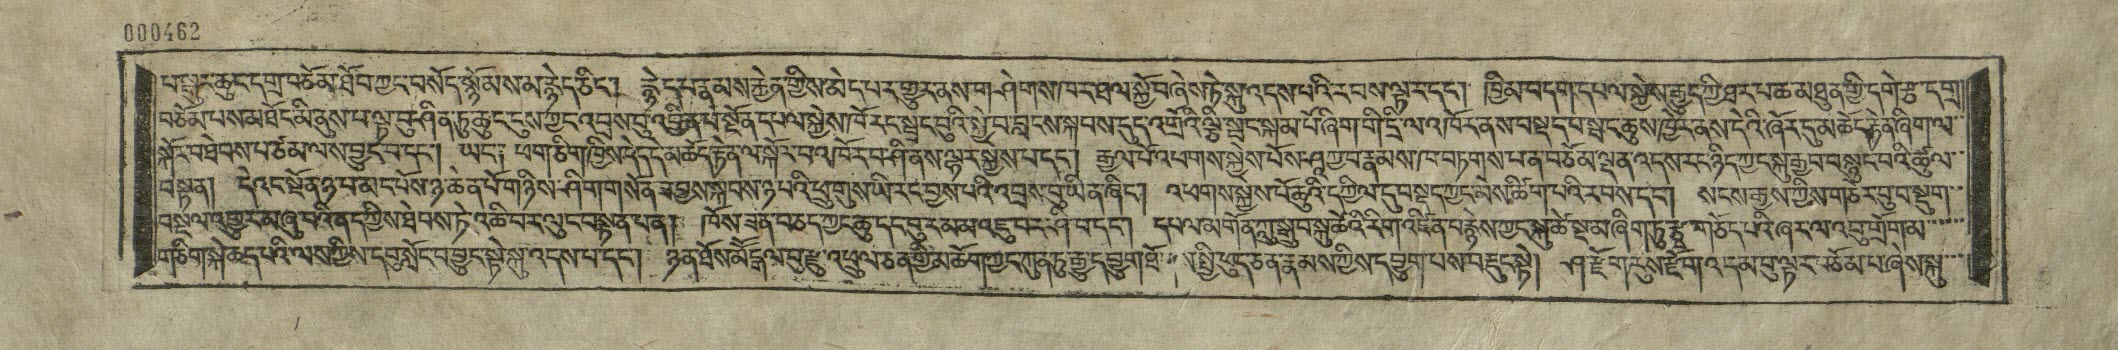པ་སྒུར་ཆུང་དགྲ་བཅོམ་ཐོབ་ཀྱང་བསོད་སྙོམས་མ་རྙེད་ཅིང་། རྙེད་པ་རྣམས་རྐྱེན་གྱིས་མེད་པར་གྱུར་ནས་གཤེགས་ཁར་ཐལ་སྐྱོ་བཞེས་?་ཏེ་སྐུ་འདས་པའི་རབས་ལྟར་དང་། ཁྱིམ་བདག་དཔལ་སྐྱེས་རྒྱུད་ཀྱི་ཐར་པ་ཆ་མཐུན་གྱི་དགེ་རྩ་དགྲ།
བཅོམ་པས་མཐོང་མི་ནུས་པ་ལྟ་བུ་ཤིན་ཏུ་ཆུང་ངུས་ཀྱང་འབྲས་བུ་འབྱིན་པ་སྔོན་དཔལ་སྐྱེས་ཁོ་རང་སྦྲང་བུའི་སྐྱེ་བ་བླངས་སྐབས་དུད་འགྲོའི་ལྕི་སྦང་སྐམ་པོ་ཞིག་གི་དྲི་ལ་འཁོར་ནས་བསྡུད་པ་སྦང་ཆུས་ཁྱེར་ནས་དེའི་ཞོར་དུ་མཆོད་རྟེན་ཞིག་ལ་
སྐོར་བ་ཐེབས་པ་ཙམ་ལས་བྱུང་བ་དང་། ཡང༑ ཕག་ཅིག་ཁྱིས་དེད་དེ་མཆོད་རྟེན་ལ་སྐོར་བ་འཁོར་བ་ཤི་ནས་ལྷར་སྐྱེས་པ་དང་། རྒྱལ་པོ་འཕགས་སྐྱེས་པོས་ཤཱཀྱ་བ་རྣམས་ཁ་བཏགས་པ་ན་བཅོམ་ལྡན་འདས་རང་ཉིད་ཀྱང་སྐུ་རྒྱབ་བསྙུང་བའི་ཚུལ་
བསྟན། དེའང་སྔོན་ཉ་པ་མང་པོས་ཉ་ཆེན་པོ་གཉིས་ཤིག་གསོན་ཟ་བྱས་སྐབས་ཉ་པའི་ཕྲུ་གུས་ཡི་རང་བྱས་པའི་འབྲས་བུ་ཡིན་ཞིང་། འཕགས་སྐྱེས་པོ་ཆུའི་དཀྱིལ་དུ་བསྡད་ཀྱང་མེས་ཚིག་པའི་རབས་དང་། སངས་རྒྱས་ཀྱིས་གཅེར་བུ་བ་སྡུག་
བསྔལ་འགྱུར་མ་ཞུ་བའི་ནད་ཀྱིས་ཐེབས་ཏེ་འཆི་བར་ལུང་བསྟན་པ་ན། ཁོས་ཟན་བཅད་ཀྱང་ཆུ་དང་བུ་རམ་མ་འཇུ་བར་ཤི་བ་དང་། དཔལ་མགོན་ཀླུ་སྒྲུབ་སྐུ་ཚེའི་རིག་འཛིན་བརྙེས་ཀྱང་སྐུ་ཚེ་སྔ་མ་ཞིག་ཏུ་རྩྭ་གཅོད་པའི་ཞར་ལ་འབུ་གྲོག་མ་
གཅིག་སྐེ་ཆད་པའི་ལས་ཀྱིས་དབུ་སློང་བ་བྱུང་སྟེ་སྐུ་འདས་པ་དང་། ཉན་ཐོས་མཽངྒལ་བུ་རྫུ་འཕྲུལ་ཅན་གྱི་མཆོག་ཀྱང་ཀུན་ཏུ་རྒྱུ་དབྱུག་ཐོགས་སྤྱི་ཕུད་ཅན་རྣམས་ཀྱིས་དབྱུག་པས་བརྡུང་སྟེ། ཤ་རྫོག་རུས་རྫོག་འདམ་བུ་ལྟར་བཅོམ་པ་ཞེས་སྐུ་